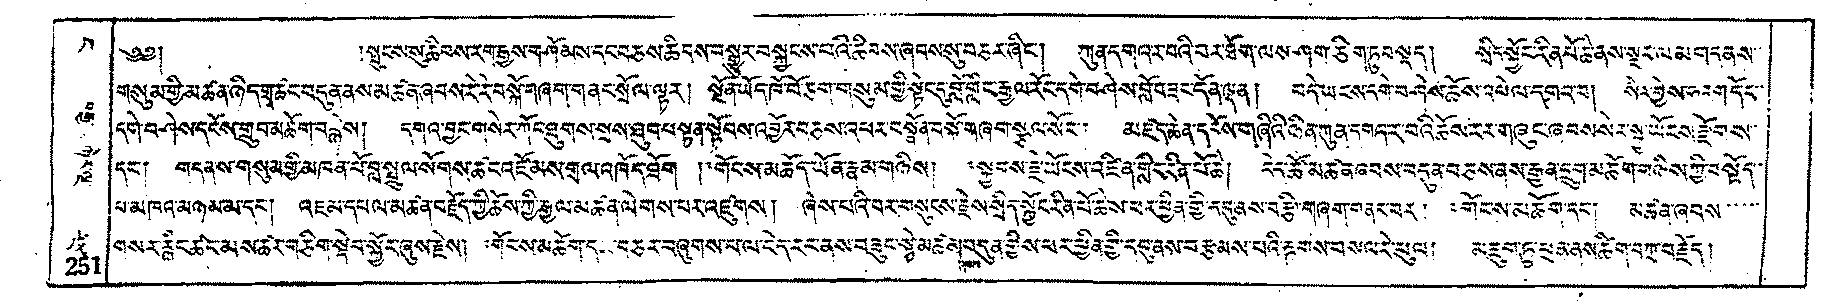༄༅། །སྤུངས་སུ་ཆིབས་རག་རྒྱས་གཤོམས་དང་བཅས་ཆིབས་བསྒྱུར་བསྐྱངས་པའི་ཆིབས་ཞབས་སུ་བཅར་ཞིང་། ཀུན་དགའ་ར་བའི་བར་ཐོག་ལས་ཤག་ཅིག་ཏུ་བསྡད། སྲིད་སྐྱོང་རིན་པོ་ཆེ་ནས་སྔར་ལམ་གདན་ས་
གསུམ་གྱི་མཚན་ཉིད་གྲྭ་ཚང་བདུན་ནས་མཚན་ཞབས་རེ་རེ་བསྐོ་གཞག་གནང་སྲོལ་ལྟར། སྔོན་ཡོད་ཁོ་བོ་ཅག་གསུམ་གྱི་སྟེང་དུ་བློ་གླིང་རྒྱལ་རོང་དགེ་བཤེས་བློ་བཟང་དོན་ལྡན། བདེ་ཡངས་དགེ་བཤེས་ཆོས་འཕེལ་དགའ་བ། སེར་བྱེས་ཧར་གདོང་
དགེ་བཤེས་དངོས་གྲུབ་མཆོག་བརྙེས། དགའ་བྱང་གསེར་ཀོང་ཐུགས་སྲས་ཐུབ་བསྟན་སྟོབས་འབྱོར་བཅས་འཕར་བསྣོན་བསྐོ་གཞག་སྩལ་སོང་། མཛད་ཆེན་དངོས་གཞིའི་ཉིན་ཀུན་དགའ་ར་བའི་ཆོས་རར་གཞུང་ཞབས་སེར་སྐྱ་ཡོངས་རྫོགས་
དང་། གདན་ས་གསུམ་གྱི་མཁན་པོ་བླ་སྤྲུལ་སོགས་ཚང་འཛོམས་གྲལ་འཁོད་ཐོག །༧གོང་ས་མཆོད་ཡོན་རྣམ་གཉིས། ༧སྐྱབས་རྗེ་ཡོངས་འཛིན་གླིང་རིན་པོ་ཆེ། ངེད་ཚོ་མཚན་ཞབས་བདུན་བཅས་ནས་རྒྱན་དྲུག་མཆོག་གཉིས་ཀྱི་བསྟོད་
པ་མཁའ་མཉམ་མ་དང་། འཇམ་དཔལ་མཚན་བརྗོད་ཀྱི་ཆོས་ཀྱི་རྒྱལ་མཚན་ལེགས་པར་འཛུགས། ཞེས་པའི་བར་གསུངས་རྗེས་སྲིད་སྐྱོང་རིན་པོ་ཆེས་ཕར་ཕྱིན་གྱི་དབུ་ནས་བརྩི་གཞག་གནང་བར། ༧གོང་ས་མཆོག་དང་། མཚན་ཞབས་
གསར་རྙིང་ཚང་མས་ཚར་གཅིག་སྡེབ་སྐྱོར་ཞུས་རྗེས། ༧གོང་ས་མཆོག་དམ་བཅར་བཞུགས་པ་ལ་ངེད་རང་ནས་བཟུང་སྟེ་མཚན་ཞབས། བདུན་གྱིས་ཕར་ཕྱིན་གྱི་དབུ་ནས་བརྩམས་པའི་རྟགས་བསལ་རེ་ཕུལ། མཇུག་ཏུ་ཕྲན་ནས་ཚིག་བཀྲ་བརྗོད།